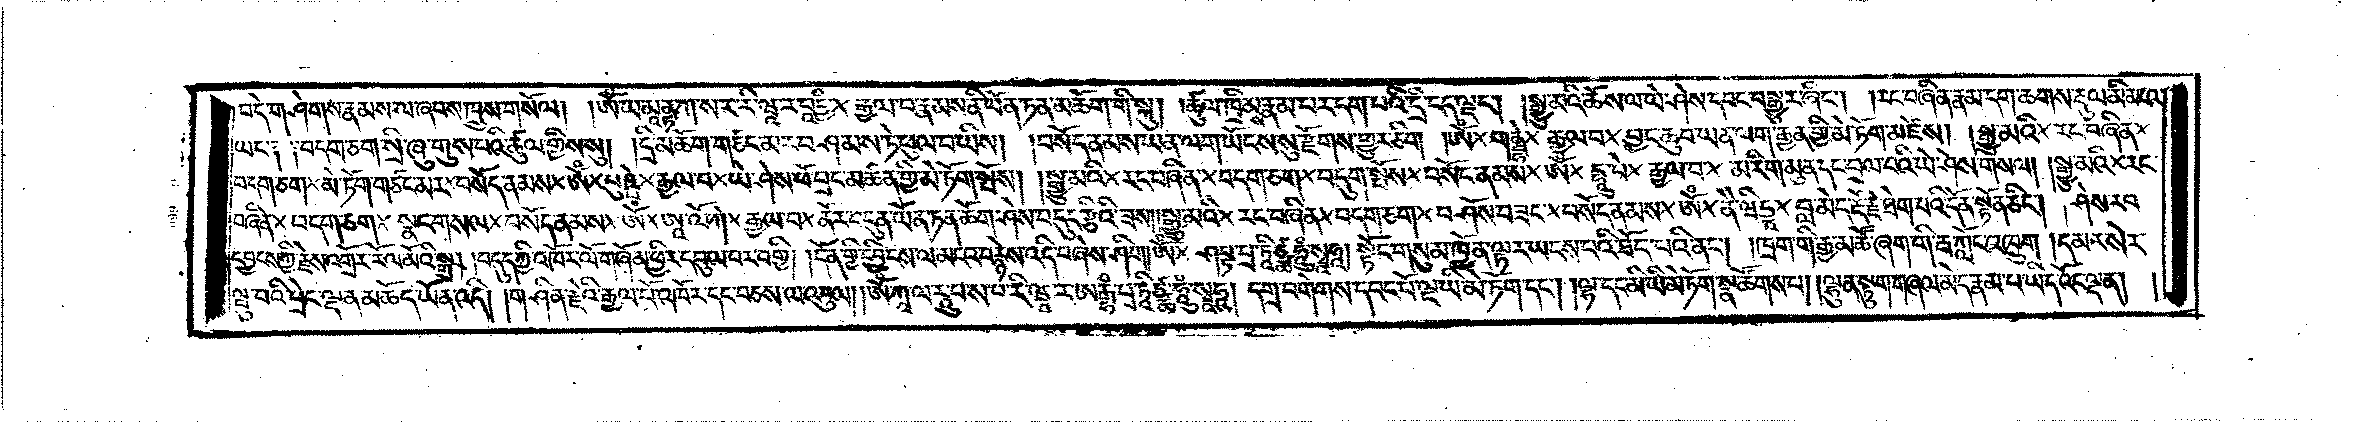བདེ་གཤེགས་རྣམས་ལ་ཞབས་ཁྲུས་གསོལ། །ཨོཾ་ཡ་མཱནྟ་ཀ་ས་ར་རི་ཝཱ་ར་བཱདྱཾ་྾་རྒྱལ་བ་རྣམས་ནི་ཡོན་ཏན་མཆོག་གི་སྐུ། །ཚུལ་ཁྲིམས་རྣམ་པར་དག་པའི་དྲི་ངད་ལྡང་། སྒྱུ་མའི་ཆོས་ལ་ཡེ་ཤེས་དབང་བསྒྱུར་ཞིང་། རང་བཞིན་རྣམ་དག་ཆགས་རྡུལ་མི་མངལ་
ཡང༑ ༑བདག་ཅག་སྲི་ཞུ་གུས་པའི་ཚུལ་གྱིས་སུ། །དྲི་མཆོག་གཙང་མར་བཤམས་ཏེ་ཕུལ་བ་ཡིས། །བསོད་ནམས་ཡན་ལག་ཡོངས་སུ་རྫོགས་གྱུར་ཅིག། །ཨོཾ་྾་གནྡྷེ་྾་རྒྱལ་བ་྾་བྱང་ཆུབ་ཡན་ལག་རྒྱན་གྱི་མེ་ཏོག་མཛེས། །སྒྱུ་མའི་྾་རང་བཞིན་྾་
བདག་ཅག་྾་མེ་ཏོག་གཙང་མར་བསོད་ནམས་྾་ཨོཾ་྾་པུཥྤེ་྾་རྒྱལ་བ་྾་ཡེ་ཤེས་ཕོ་བྲང་མཚན་གྱི་མེ་ཏོག་སྤོས། །སྒྱུ་མའི་྾་རང་བཞིན་྾་བདག་ཅག་྾་བདུག་སྤོས་྾་བསོད་ནམས་྾་ཨོ་྾་དྷཱུ་པེ། ྾་རྒྱལ་བ་྾་མ་རིག་མུན་དང་བྲལ་བའི་ཡེ་ཤེས་གསལ། །སྒྱུ་མའི་྾་རང་
བཞིན་྾་བདག་ཅག་྾་སྣང་གསལ་྾་བསོད་ནམས་྾་ཨོཾ་྾་ཨཱ་ལོ་ཀེ། ྾་རྒྱལ་བ་྾་ནོར་བདུན་ཡོན་ཏན་མཆོག་ཤེས་བདུད་རྩིའི་ཟས།། སྒྱུ་མའི་྾་རང་བཞིན་྾་བདག་ཅག་྾་བཤོས་བཟང་྾་བསོད་ནམས་྾་ཨོཾ་྾་ནཻ་ཝིདྱཱ་྾་བླ་མེད་རྡོ་རྗེ་ཐེག་པའི་དོན་སྟོན་ཅིང་། །ཤེས་རབ་
དབྱངས་ཀྱི་རྗེས་འགོར་རོལ་མོའི་སྒྲ། །བདུད་ཀྱི་འཁོར་ལོ་གཞོམ་ཕྱིར་དབུལ་བར་བགྱི། །དོན་གྱི་དབྱིངས་ལ་མངའ་བརྙེས་འདི་བཞེས་ཤིག །ཨོཾ་྾་ཤཔྟ་ཏཱིཙྪ་ཧཱུཾ་སྭྰྷཱ། སྟོང་གསུམ་ཁྱོན་ལྟར་ཡངས་པའི་ཐོང་པའི་ནང་། །ཁྲག་གི་རྒྱ་མཚོ་ཞག་གི་རྦ་ཀློང་འཁྲུག །དམར་སེར་
ལྤུ་བའི་ཕྲེང་ལྡན་མཆོད་ཡོན་འདི། །གཤིན་རྗེའི་རྒྱལ་པོ་འཁོར་དང་བཅས་ལ་འཕུལ། །ཨོཾ་ཀཱ་ལ་རཱུ་པ་ས་པ་རི་ཝཱ་ར་ཨརྒྷཾ་པྲ་ཏཱིཙྪ་ཧཱུཾ་སྭཱཧཱ། དགྲ་བགེགས་དབང་པོ་ལྔ་ཡི་མེ་ཏོག་དང་། །ལྷ་དང་མི་ཡི་མེ་ཏོག་སྣ་ཚོགས་པ། །ལྷུན་སྟུག་གཞལ་མེད་རྣམ་པ་ཡིད་འོང་ལྡན། །